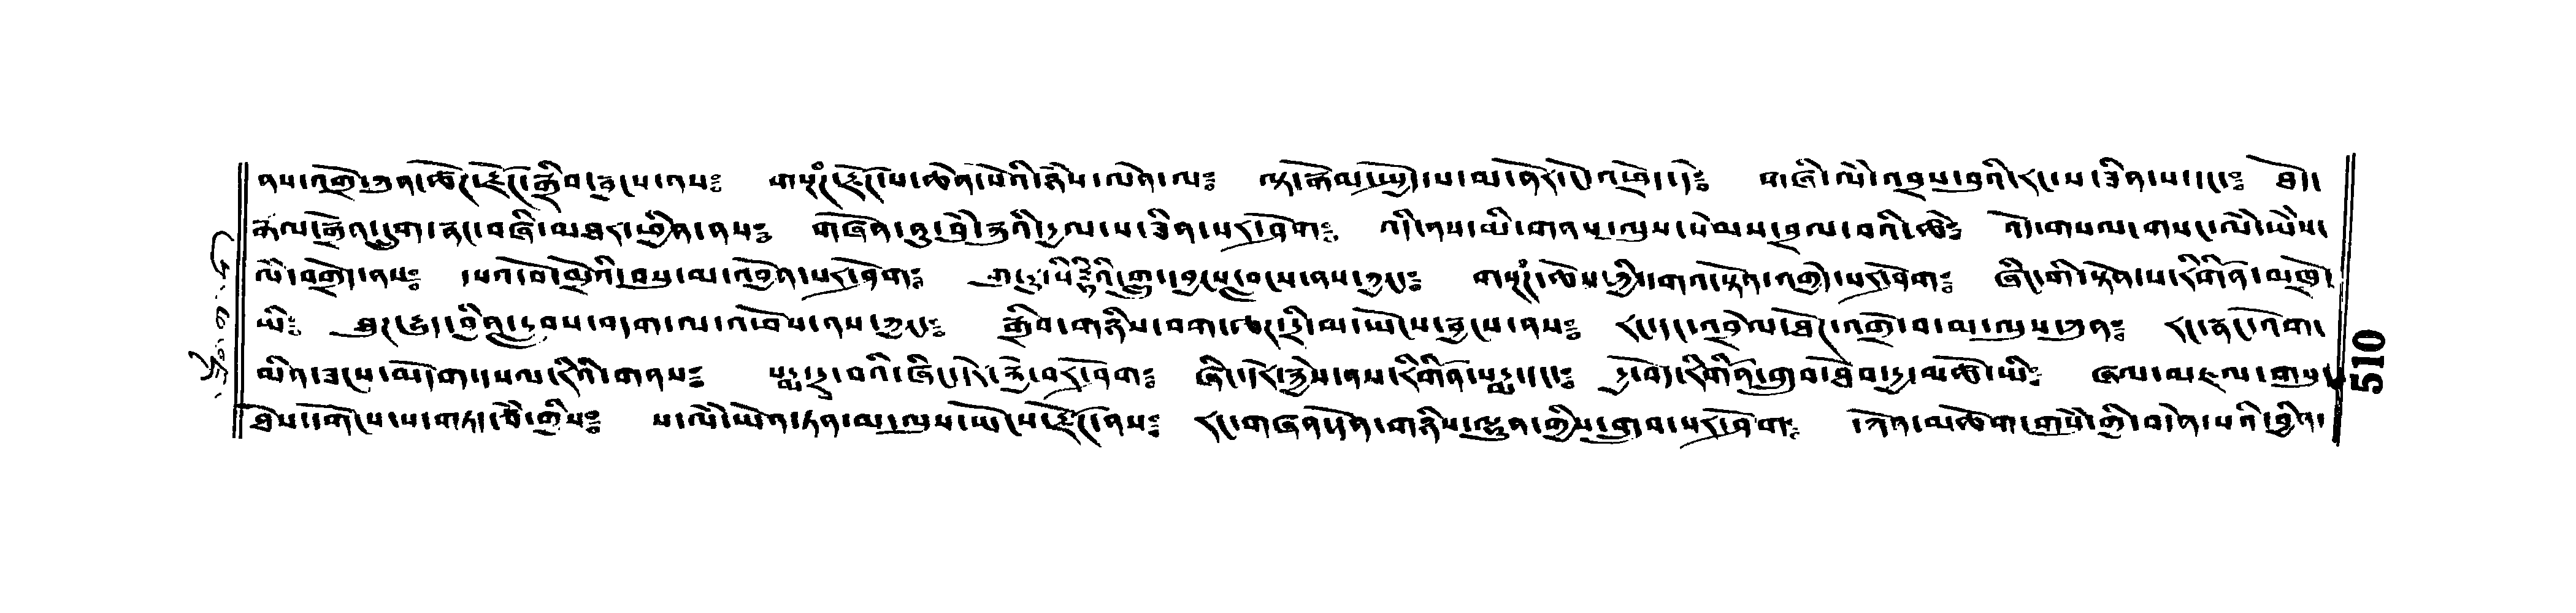ནས་འགྲོ་ཀུན་ཚོགས་རྫོགས་སྒྲིབ་སྦྱངས་ནས༔ གསང་སྔགས་རྫོགས་པ་ཆེན་པོའི་ཉམས་ལེན་ལ༔ ལྟ་སྒོམ་སྤྱོད་པ་མ་ནོར་ངོ་འཕྲོད་དེ༔ གཞི་ལམ་འབྲས་བུའི་རང་ས་ཟིན་པ་དང༔ ཐོད་
རྒལ་སྒྲོན་དྲུག་སྣང་བཞི་མཐར་ཕྱིན་ནས༔ གཞོན་ནུ་བུམ་སྐུའི་རྒྱལ་ས་ཟིན་པར་ཤོག༔ འདི་ནས་མི་གནས་ལུས་སེམས་བྲལ་བའི་ཚེ༔ འོད་གསལ་གསང་ལམ་ཡེ་ཤེས་
ལམ་བགྲོད་ནས༔ དཔའ་བོ་མཁའ་འགྲོའི་བསུ་མ་འབྱོན་པར་ཤོག༔ གུ་རུ་སིདྡྷིའི་གླུ་དབྱངས་བླངས་ནས་ཀྱང༔ གསང་སྔགས་ཆོས་ཀྱི་དགའ་སྟོན་འགྱེད་པར་ཤོག༔ ཞིང་གི་སྟོན་པ་རིག་འཛིན་མཁའ་འགྲོ་
ཡི༔ ཐུགས་རྒྱུད་བྱིན་རླབས་བདག་ལ་འཕོས་ནས་ཀྱང༔ སྒྲིབ་གཉིས་བག་ཆགས་དྲི་མ་ཡོངས་སྦྱངས་ནས༔ རང་དང་འབྲེལ་ཐོགས་འགྲོ་བ་མ་ལུས་ཀུན༔ རང་སྣང་འོག་
མིན་ཟངས་མདོག་དཔལ་རིའི་གནས༔པདྨ་དྲྭ་བའི་ཞིང་དེར་སྐྱེ་བར་ཤོག༔ ཞིང་དེར་སྐྱེས་ནས་རིག་འཛིན་པདྨ་དང༔ རྒྱ་བོད་རིག་འཛིན་གྲུབ་ཐོབ་རྒྱ་མཚོ་ཡི༔ ཞལ་མཇལ་གསུང་
ཐོས་དགོངས་པ་གཏད་ཙམ་གྱིས༔ ས་ལམ་ཡོན་ཏན་མ་ལུས་ཡོངས་རྫོགས་ནས༔ རང་གཞན་དོན་གཉིས་ལྷུན་གྱིས་གྲུབ་པར་ཤོག༔ དཀོན་མཆོག་གསུམ་གྱི་བདེན་པའི་བྱིན་